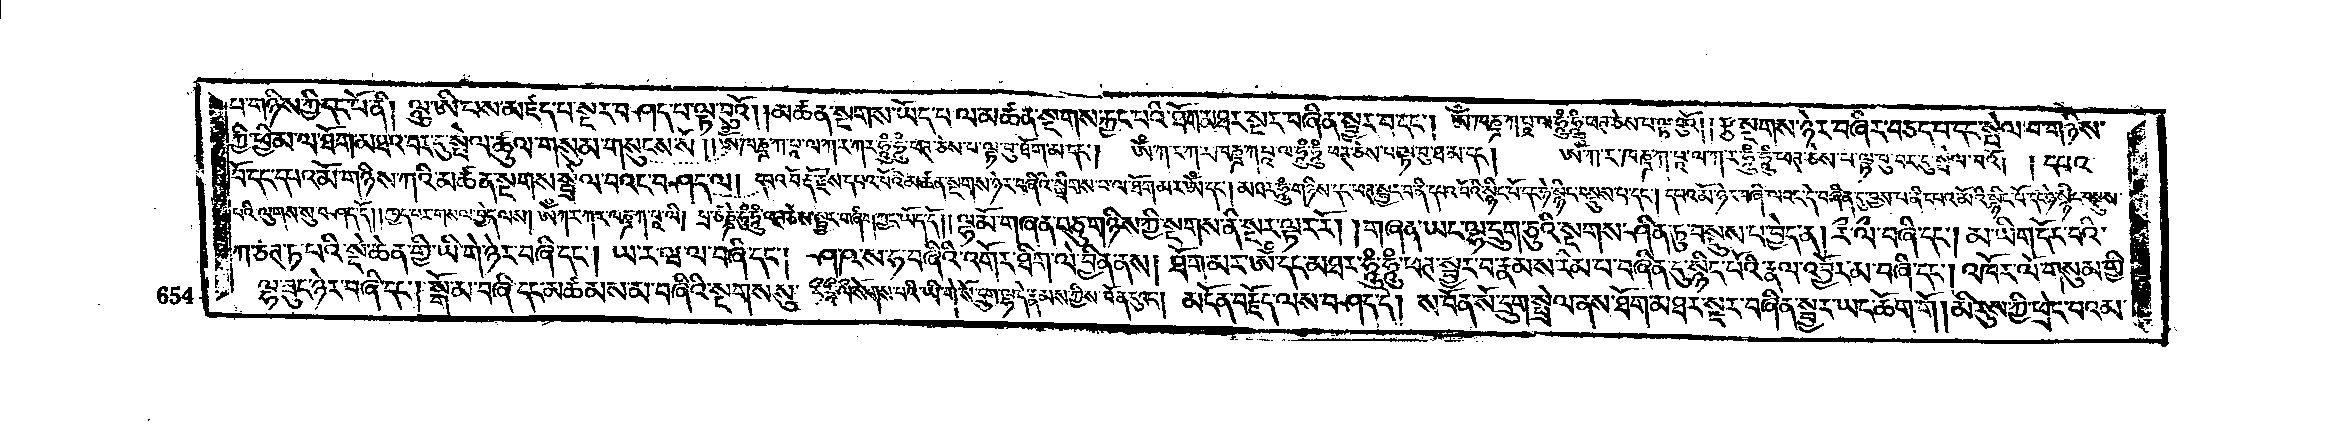པ་གཉིས་ཀྱི་དང་པོ་ནི། ལཱུ་ཨི་པས་མཛད་པ་སྔར་བཤད་པ་ལྟ་བུའོ། །མཚན་སྔགས་ཡོད་པ་ལ་མཚན་སྔགས་རྐྱང་པའི་ཐོག་མཐར་སྔར་བཞིན་སྦྱར་བ་དང་། ཨོཾ་ཁཎྜ་ཀ་པཱ་ལ་ཧཱུཾ་ཧཱུཾ་ཕཊ་ཅེས་པ་ལྟ་བུའོ།  །རྩ་སྔགས་ཉེར་བཞིར་བཅད་པ་དང་སྤེལ་བ་གཉིས་
ཀྱི་ཕྱི་མ་ལ་ཐོག་མཐའ་བར་དུ་སྤེལ་ཚུལ་གསུམ་གསུངས་སོ། །ཨོམ་ཁཎྜ་ཀ་པཱ་ལ་ཀ་ར་ཀ་ར་ཧཱུམ་ཧཱུཾ་ཕགས་ཅེས་པ་ལྟ་བུ་ཐོག་མ་དང་ཨོཾ་ཀར་ཀ་ར་ཁཎྜ་ཀ་པཱ་ལ་ཧཱུཾ་ཧཱུམ་ཕགས་ཅེས་པ་ལྟ་བུ་ཐ་མ་དང་། ཨ྾མ་ཀ་ར་ཁཎྜ་ཀ་པཱ་ལ་ཀ་ར་ཧཱུཾ་ཧཱུཾ་ཕགས་ཅེས་པ་ལྟ་བུ་བར་དུ་སྤེལ་ཀའོ། །དཔའ་
པོ་དང་དཔའ་མོ་གཉིས་ཀའི་མཚན་སྔགས་སྤྲེལ་བའང་བཤད་ལ། དཔའ་བོ་རྡོ་རྗེས་དཔའ་བོའི་མཚན་སྔགས་ཉེར་བཞིའི་སྒྲིགས་པ་ལ་ཐོག་མར་ཨོཾ་དང་། མཐར་ཧཱུཾ་གཉིས་དང་ཕགས་སྦྱར་བ་ནི་དཔའ་བོའི་སྙིང་པོ་དང་ཉེ་སྙིང་བསྡུས་པ་དང་། དཔའ་མོ་ཉེར་བཞི་ལའང་དེ་བཞིན་དུ་བྱས་པ་ནི་དཔའ་མོའི་སྙིང་པོ་དང་ཉེ་སྙིང་བསྡུས་
པའི་ལུགས་སུ་བཤད་དོ། །ཁྱད་པར་གསལ་བྱེད་ལས། ཨོཾ་ཀ་ར་ཀ་ར་ཁཎྜ་ཀ་པཱ་ལི། པྲ་ཙཎྜེ་ཧུཾ་ཧཱུཾ་ཕཊ་ཅེས་སྦྱར་བ་ཞིག་ཀྱང་ཡོད་དོ། །ལྷ་མོ་གཞན་བཅུ་གཉིས་ཀྱི་སྔགས་ནི་སྔར་ལྟར་རོ། །གཞན་ཡང་ལྷ་དྲུག་ཅུའི་སྔགས་ཤིན་ཏུ་བསྡུས་པ་བྱེད་ན། རྀ་ལྀ་བཞི་དང་། མ་ཡིག་དོང་བའི་
ཀ་ཙ་ཊ་ཏ་པའི་སྡེ་ཚན་གྱི་ཡི་གེ་ཉེར་བཞི་དང་། ཡར་ཝ་ལ་བཞི་དང་། ཤ་ཥ་ས་ཧ་བཞིའི་འགོར་ཐིག་ལེ་བྱིན་ནས། ཐོག་མར་ཨོཾ་དང་མཐར་ཧཱུཾ་ཧཱུཾ་ཕཊ་སྦྱར་བ་རྣམས་རིམ་པ་བཞིན་དུ་སྙིང་པོའི་རྣལ་འབྱོར་མ་བཞི་དང་། འཁོར་ལོ་གསུམ་གྱི་
ལྷ་ཟུང་ཉེར་བཞི་དང་། སྒོམ་བཞི་དང་མཚམས་མ་བཞིའི་སྔགས་སུ་རྀ་རཱྀ་ལྀ་སོགས་པའི་ཡི་གེ་སོ་དྲུག་ལྷ་དེ་རྣམས་ཀྱི་ས་བོན་དུའང་།  མངོན་བརྗོད་ལས་བཤད་དོ། ས་བོན་སོ་དྲུག་སྤྲེལ་ནས་ཐོག་མཐར་སྔར་བཞིན་སྦྱར་ཡང་ཆོག་གོ །མི་རུས་ཀྱི་ཕྲེང་བའམ་